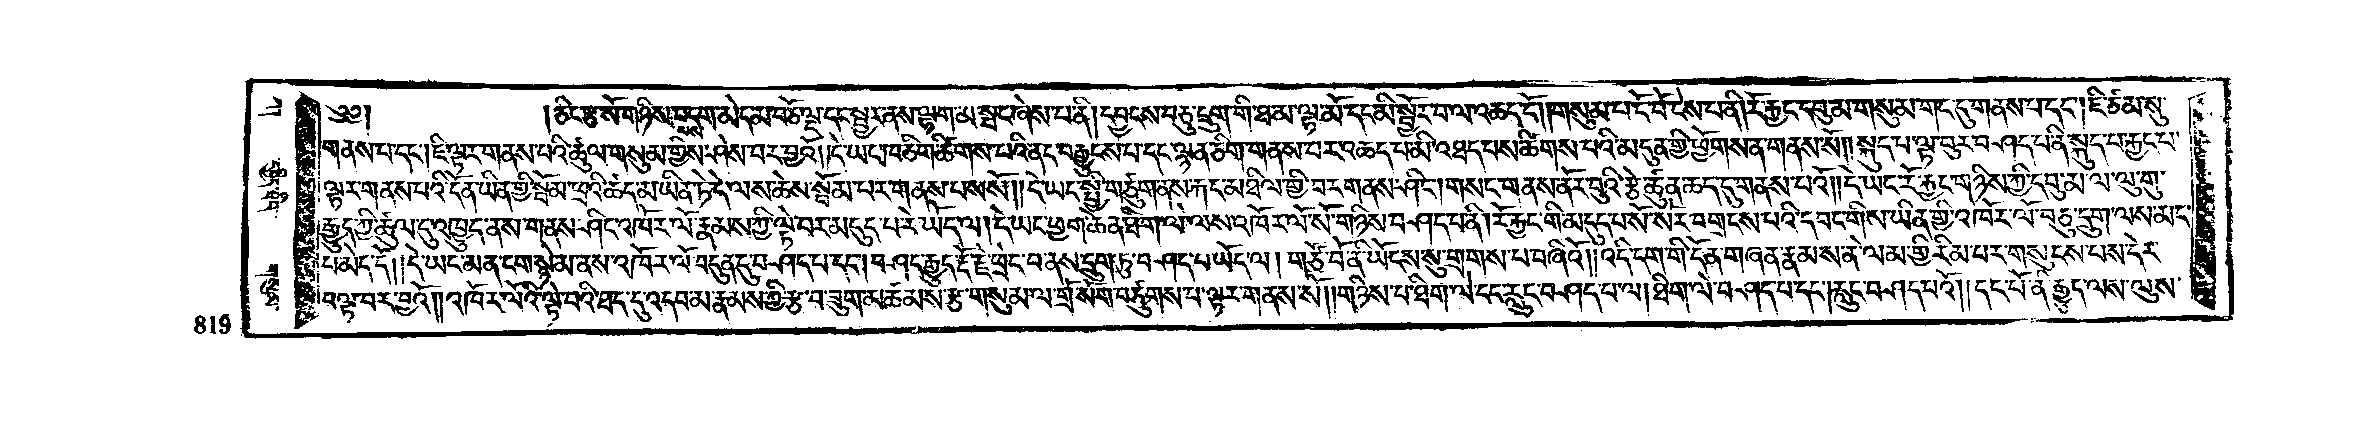༄༅། །ཅིང་རྩ་སོ་གཉིས་པས་བདག་མེད་མ་བཅོ་ལྔ་དང་སྦྱར་ནས་ལྷག་མ་སྤང་ཞེས་པ་ནི། དབྱངས་བཅུ་དྲུག་གི་ཐ་མ་ལྷ?་མོ་དང་མི་སྦྱོར་བ་ལ་འཆད་དོ། །གསུམ་པ་ངོ་བོ་ངེས་པ་ནི། རོ་རྐྱང་དབུ་མ་གསུམ་གང་དུ་གནས་པ་དང་། ཇི་ཙམ་སུ་
གནས་པ་དང་། ཇི་ལྟར་གནས་པའི་ཚུལ་གསུམ་གྱིས་ཤེས་པར་བྱའོ། །དེ་ཡང་ཁ་ཅིག་ཚིགས་པའི་ནང་བརྒྱུངས་པ་དང་ལྷན་ཅིག་གནས་པར་འཆད་པ་མི་འཐད་པས་ཚིགས་པའི་མདུན་གྱི་ཕྱོགས་ན་གནས་སོ། །སྐུད་པ་ལྟ་བུར་བཤད་པ་ནི་སྐུད་པ་རྐྱང་པ་
ལྟར་གནས་པའི་དོན་ཡིན་གྱི་སྦོམ་ཕྲའི་ཚད་མ་ཡིན་ཏེ་དེ་ལས་ཆེས་སྦོམ་པར་གནས་པས་སོ། །དེ་ཡང་སྤྱི་གཙུག་ནས་རྐང་མཐིལ་གྱི་བར་གནས་ཤིང་། གསང་གནས་ནོར་བུའི་རྩེ་ཚུན་ཆད་དུ་གནས་པའོ། །དེ་ཡང་རོ་རྐྱང་གཉིས་ཀྱི་དབུ་མ་ལ་ལུ་གུ་
རྒྱུད་ཀྱི་ཚུལ་དུ་འཁྱུད་ནས་གནས་ཤིང་འཁོར་ལོ་རྣམས་ཀྱི་ལྟེ་བར་མདུད་པ་རེ་ཡོད་ལ། དེ་ཡང་ཕྱག་ཆེན་ཐིག་ལེ་ལས་འཁོར་ལོ་སོ་གཉིས་བཤད་པ་ནི། རོ་རྐྱང་གི་མདུད་པ་སོ་སོར་བགྲངས་པའི་དབང་གིས་ཡིན་གྱི་འཁོར་ལོ་བཅུ་དྲུག་ལས་མང་
བ་མེད་དོ། །དེ་ཡང་མན་ངག་སྙེ་མ་ནས་འཁོར་ལོ་བདུན་དུ་བཤད་པ་དང་། བཤད་རྒྱུད་རྡོ་རྗེ་ཕྲེང་བ་ནས་དྲུག་ཏུ་བཤད་པ་ཡོད་ལ། གཙོ་བོ་ནི་ཡོངས་སུ་གྲགས་པ་བཞིའོ། །འདི་དག་གི་དོན་གཞན་རྣམས་ནི་ལམ་གྱི་རིམ་པར་གསུངས་པས་དེར་
བལྟ་བར་བྱའོ། །འཁོར་ལོའི་ལྟེ་བའི་ཐད་དུ་འདབ་མ་རྣམས་ཀྱི་རྩ་བ་ཟུག་མཚམས་རྩ་གསུམ་ལ་གྲོ་སོག་བཙུགས་པ་ལྟར་གནས་སོ། །གཉིས་པ་ཐིག་ལེ་དང་རླུང་བཤད་པ་ལ། ཐིག་ལེ་བཤད་པ་དང་། རླུང་བཤད་པའོ། །དང་པོ་ནི་རྒྱུད་ལས་ལུས་